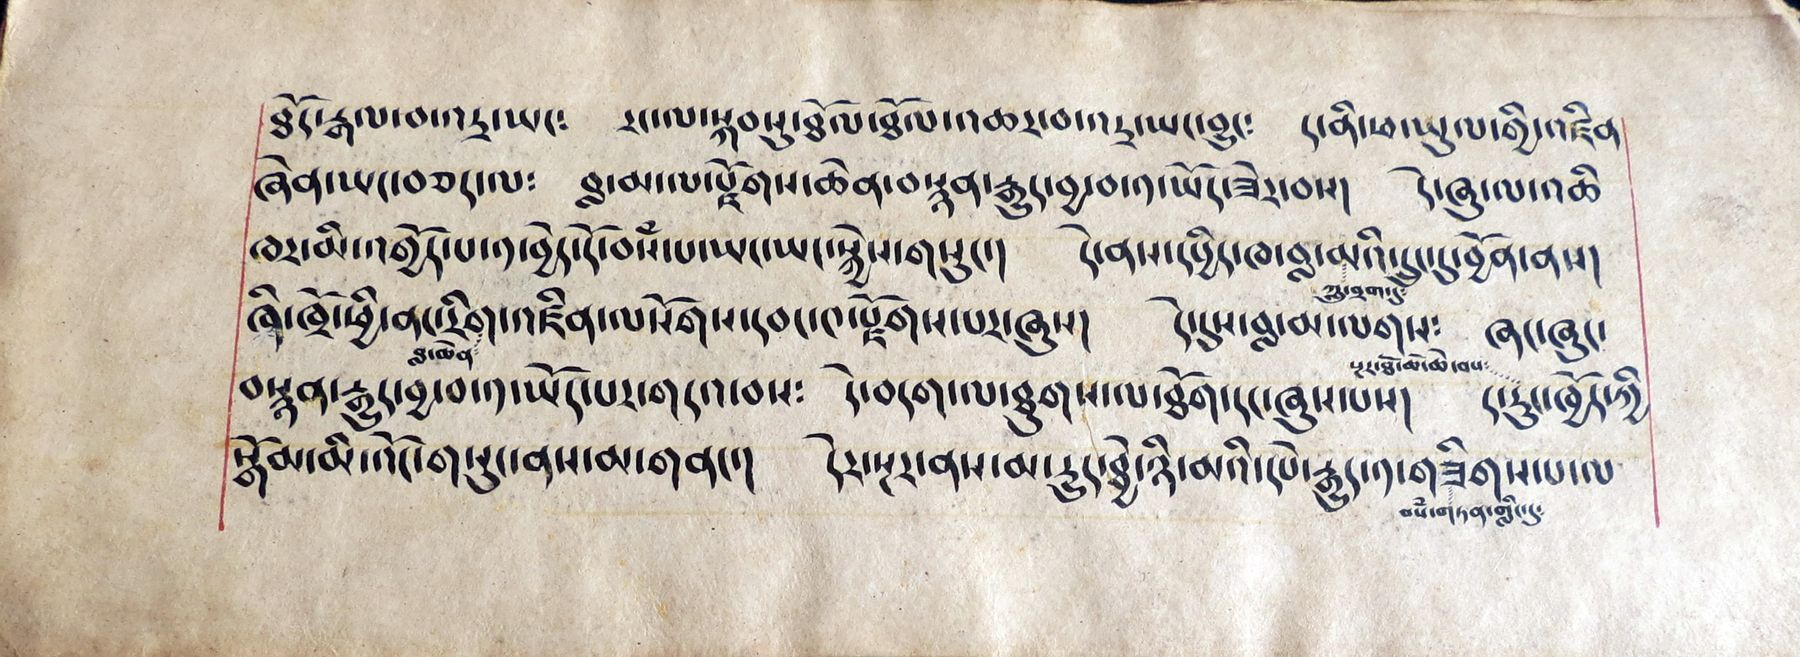ཐོད་རྒལ་བ་འདྲ་ཡང་། རང་ལ་སྐབས་སུ་ཐོལ་ཐོལ་འཆར་བ་འདྲ་ཡང་བྱུང་། ད་ནི་ཕ་ཡུལ་གྱི་འཛིན་
ཞེན་ཡང་བཅད་ལ། བླ་མ་ལ་རྫོགས་ཆེན་སྙན་རྒྱུད་བྱ་བ་ཅིག་ཡོད་ཟེར་བས། དེ་ཞུ་ལ་འཆི་
ཁར་མི་འགྱོད་པ་ཅིག་བྱེད་དོ་བསམ་པ་ཡང་ཡང་སྐྱེས་གསུངས། དེ་ནས་དཔྱིད་ཁ་༼ཀླུ་བྲག་ཏུ༽བླ་མའི་དྲུང་དུ་བྱོན་ནས། 
ཞི་ཁྲོ་ཕྱི་ནང་རིག་འཛིན་ལ་སོགས་དབང་བཞི་རྫོགས་པར་ཞུས། དེ་དུས་བླ་མ་ལགས། ཞང་ཞུང་
སྙན་རྒྱུད་བྱ་བ་ཅིག་ཡོད་པར་གདའ་བས། ཐུགས་ལ་ཐོགས་དང་ཞུས་པས། ༼སྔར་ཐོ་ཆོ་ཆེ་བས་༽ད་རུང་ཁྱོད་ཀྱིས་
སྒོམ་མི་འོང་གསུངས་ནས་མ་གནང་། དེར་སྔར་ནས་མ་རྒྱུད་ཐུགས་རྗེ་ཉི་མའི་དཔེ་རྒྱུད་ཅིག་གཟིགས་པ་ལ་༼བསམ་གཏན་གླིང་དུ་༽